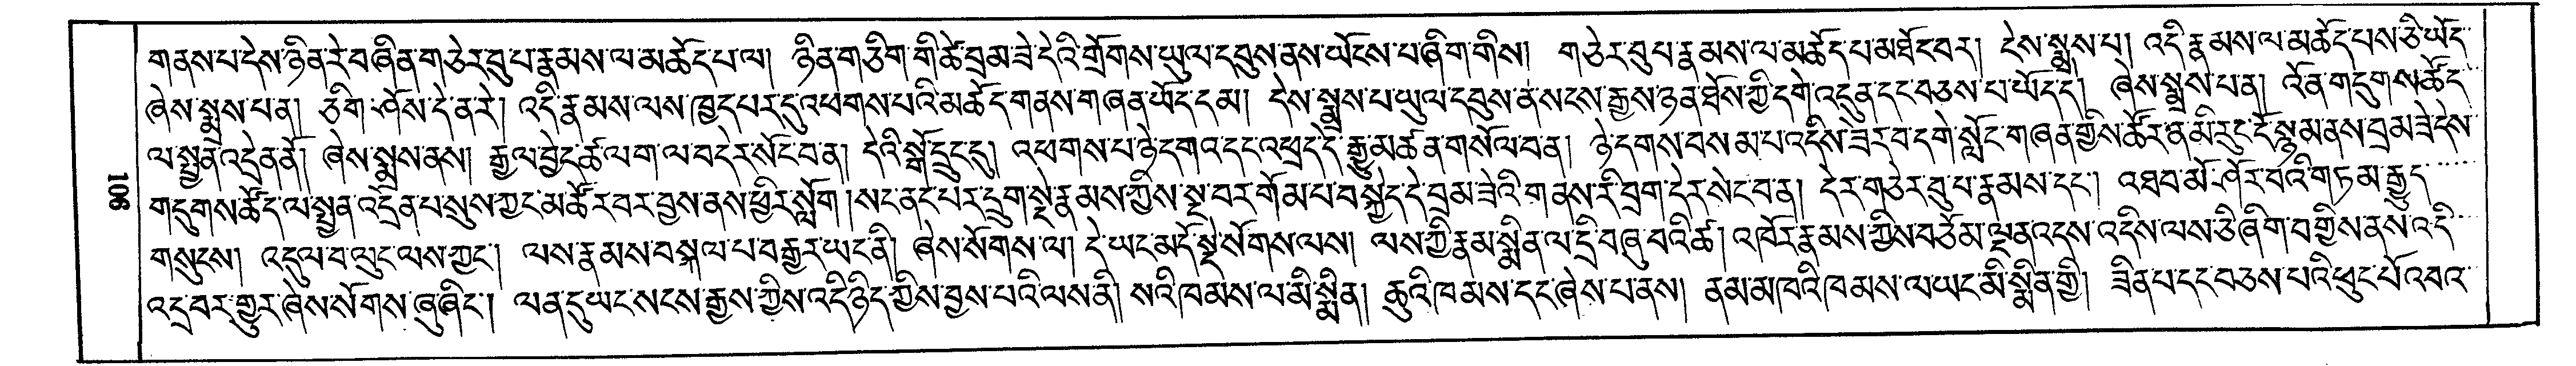གནས་པ་དེས་ཉིན་རེ་བཞིན་གཅེར་བུ་པ་རྣམས་ལ་མཆོད་པ་ལ། ཉིན་གཅིག་གི་ཚེ་བྲམ་ཟེ་དེའི་གྲོགས་ཡུལ་དབུས་ནས་ཡོངས་པ་ཞིག་གིས། གཅེར་བུ་པ་རྣམས་ལ་མཆོད་པ་མཐོང་བ་ན། དེས་སྨྲས་པ། འདི་རྣམས་ལ་མཆོད་པས་ཅི་ཡོང་
ཞེས་སྨྲས་པ་ན། ཅིག་ཤོས་དེ་ན་རེ། འདི་རྣམས་ལས་ཁྱད་པར་དུ་འཕགས་པའི་མཆོད་གནས་གཞན་ཡོད་དམ། དེས་སྨྲས་པ་ཡུལ་དབུས་ན་སངས་རྒྱས་ཉན་ཐོས་ཀྱི་དགེ་འདུན་དང་བཅས་པ་ཡོད་དོ། །ཞེས་སྨྲས་པ་ན། འོ་ན་གདུགས་ཚོད་
ལ་སྤྱན་འདྲེན་ནོ། ཞེས་སྨྲས་ནས། རྒྱལ་བྱེད་ཚལ་ག་ལ་བ་དེར་སོང་བ་ན། དེའི་སྒོ་དྲུང་དུ། འཕགས་པ་ཉེ་དགའ་དང་འཕྲད་དེ་རྒྱུ་མཚན་གསོལ་བ་ན། ཉེ་དགས་བསམ་པ་འདིས་ཟེར་པ་དགེ་སློང་གཞན་གྱིས་ཚོར་ན་མི་རུང་ངོ་སྙམ་ནས་བྲམ་ཟེ་དེས་
གདུགས་ཚོད་ལ་སྤྱན་འདྲེན་པ་སུས་ཀྱང་མཚོར་བར་བྱས་ནས་ཕྱིར་སློག །སང་ནང་པར་དྲུག་སྡེ་རྣམས་ཀྱིས་སྔ་བར་གོམ་པ་བསྐྱེད་གེ་བྲམ་ཟེའི་གནས་རི་བྲག་དེར་སོང་བ་ན། དེར་གཅེར་བུ་པ་རྣམས་དང་། འཐབ་མོ་ཤོར་བའི་གཏམ་རྒྱུད་
གསུངས། འདུལ་བ་ལུང་ལས་ཀྱང་། ལས་རྣམས་བསྐལ་པ་བརྒྱར་ཡང་ནི། ཞེས་སོགས་ལ། དེ་ཡང་མདོ་སྡེ་སོགས་ལས། ལས་ཀྱི་རྣམ་སྨིན་ལ་དྲི་བཞུ་བའི་ཚེ། འཁོར་རྣམས་ཀྱིས་བཅོམ་ལྡན་འདས་འདིས་ལས་ཅི་ཞིག་བགྱིས་ནས་འདི་
འདྲ་བར་གྱུར་ཞེས་སོགས་ཞུ་ཞིང་། ལན་དུ་ཡང་སངས་རྒྱས་ཀྱིས་འདི་ཉིད་ཀྱིས་བྱས་པའི་ལས་ནི། སའི་ཁམས་ལ་མི་སྨིན། ཆུའི་ཁམས་དང་ཞེས་པ་ནས། ནམ་མཁའི་ཁམས་ལ་ཡང་མི་སྨིན་གྱི། ཟིན་པ་དང་བཅས་པའི་ཕུང་པོ་འབའ་